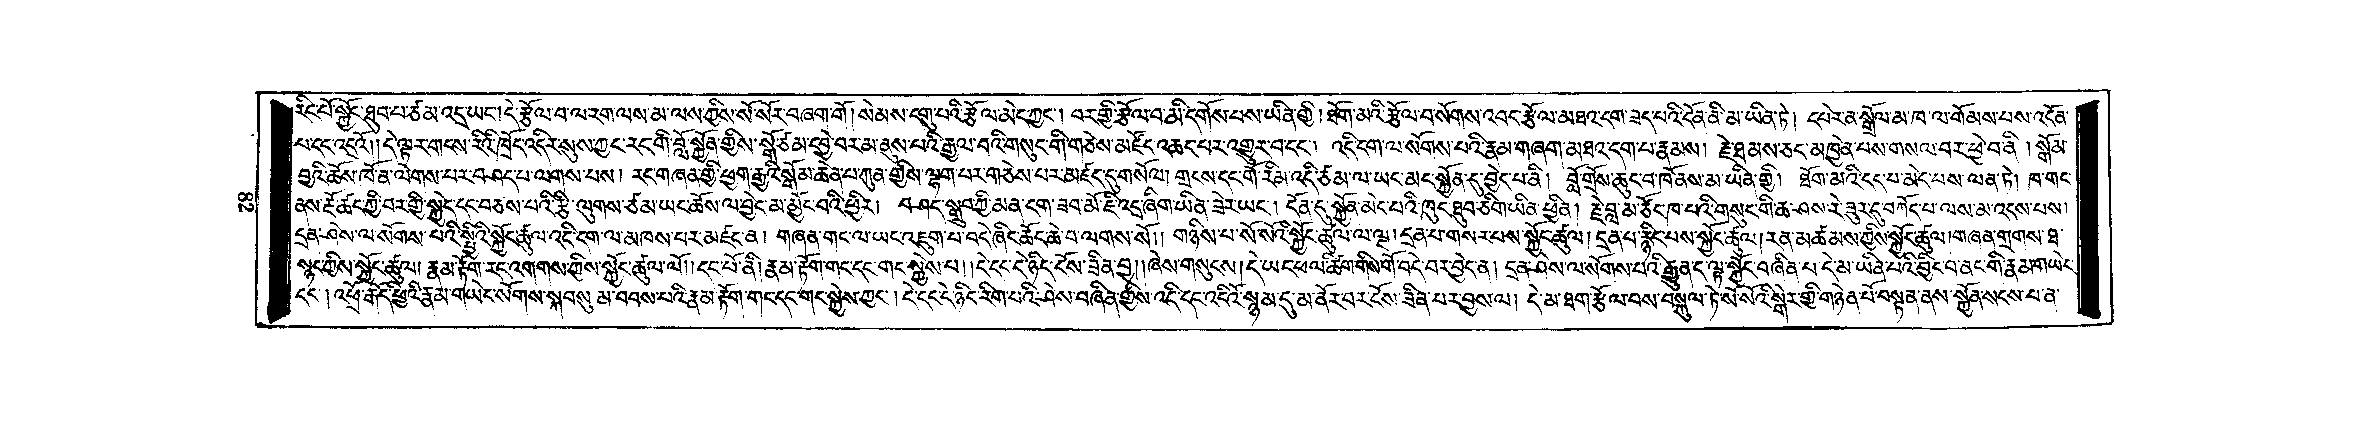རིང་པོ་སྐྱོང་ཐུབ་པ་ཙམ་འདྲ་ཡང་། དེ་རྩོལ་བ་ལ་རག་ལས་མ་ལས་ཀྱིས་སོ་སོར་བཞག་གོ །སེམས་དགུ་པའི་རྩོལ་མེད་ཀྱང་། བར་གྱི་རྩོལ་བ་མི་དགོས་པས་ཡིན་གྱི། ཐོག་མའི་རྩོལ་བ་སོགས་འབད་རྩོལ་མཐའ་དག་ཟད་པའི་དོན་ནི་མ་ཡིན་ཏེ། དཔེར་ན་སྒྲོལ་མ་ཁ་ལ་གོམས་པས་འདོན་
པ་དང་འདྲའོ། །དེ་ལྟར་གངས་རིའི་ཁྲོད་འདིར་སུས་ཀྱང་རང་གི་བློ་སྐྱོན་གྱིས་སྒོ་ཙམ་དབྱེ་བར་མ་ནུས་པའི་རྒྱལ་བའི་གསུང་གི་གཅེས་མཛོད་འཆང་པར་འགྱུར་བ་དང་། འདི་དག་ལ་སོགས་པའི་རྣམ་གཞག་མཐའ་དག་པ་རྣམས། རྗེ་ཐམས་ཅད་མཁྱེན་པས་གསལ་བར་ཕྱེ་བ་ནི། སྒོམ་
བྱའི་ཆོས་ཁོ་ན་ལེགས་པར་བཤད་པ་ལགས་པས། རང་གཞན་གྱི་ཕྱག་རྒྱའི་སྒོམ་ཆེན་པ་ཀུན་གྱིས་ལྷག་པར་གཅེས་པར་མཛད་དུ་གསོལ། གྲངས་དང་གོ་རིམ་འདི་ཙམ་ལ་ཡང་མང་སྐྱོན་དུ་བྱེད་པ་ནི། བློ་གྲོས་ཆུང་བ་ཁོ་ནས་མ་ཡིན་གྱི། ཐོག་མའི་དད་པ་མེད་པས་ལན་ཏེ། ཁ་གང་
ནས་རྔོ་ཚད་ཀྱི་བར་གྱི་སྐྱེད་དང་བཅས་པའི་རྩི་ལུགས་ཙམ་ཡང་ཆོས་ལ་བྱེད་མ་མྱོང་བའི་ཕྱིར། བཤད་སྒྲུབ་ཀྱི་མན་ངག་ཟབ་མོ་ཇི་འདྲ་ཞིག་ཡིན་ཟེར་ཡང་། དོན་དུ་སྐྱོན་མེད་པའི་ཁུང་ཐུབ་ཅིག་ཡིན་ཕྱིན། རྗེ་བླ་མ་ཙོང་ཁ་པའི་གསུང་གི་ཆ་ཤས་རེ་ཟུར་དུ་བཀོད་པ་ལས་མ་འདས་པས།
དྲན་ཤེས་ལ་སོགས་པའི་སྤྱིའི་སྐྱོང་ཚུལ་འདི་དག་ལ་མཁས་པར་མཛད་ན། གཞན་གང་ལ་ཡང་འཇུག་པ་བདེ་ཞིང་ཆོད་ཆེ་བ་ལགས་སོ། །གཉིས་པ་སོ་སོའི་སྐྱོང་ཚུལ་ལ་ལྔ། དྲན་པ་གསར་པས་སྐྱོང་ཚུལ། དྲན་པ་རྙིང་པས་སྐྱོང་ཚུལ། རན་མཚམས་ཀྱིས་སྐྱོང་ཚུལ། གཞན་གྲགས་ཐ་
སྙད་ཀྱིས་སྐྱོང་ཚུལ། རྣམ་རྟོག་རང་འགགས་ཀྱིས་སྐྱོང་ཚུལ་ལོ། །དང་པོ་ནི། རྣམ་རྟོག་གང་དང་གང་སྐྱེས་པ། །དེ་དང་དེ་ཉིད་ངོས་ཟིན་བྱ། །ཞེས་གསུངས། དེ་ཡང་ཕལ་ཚིག་གིས་གོ་བདེ་བར་བྱེད་ན། དྲན་ཤེས་ལ་སོགས་པའི་རྒྱུན་ད་ལྟ་སྐྱོང་བཞིན་པ་དེ་མ་ཡིན་པའི་བྱིང་བ་ནང་གི་རྣམ་གཡེང་
དང་། འཕྲོ་རྒོད་ཕྱིའི་རྣམ་གཡེང་སོགས་སྐབས་སུ་མ་བབས་པའི་རྣམ་རྟོག་གང་དང་གང་སྐྱེས་ཀྱང་། དེ་དང་དེ་ཉིད་རིག་པའི་ཤེས་བཞིན་གྱིས་འདི་དང་འདིའོ་སྙམ་དུ་མ་ནོར་བར་ངོས་ཟིན་པར་བྱས་ལ། དེ་མ་ཐག་རྩོལ་བས་བསྐུལ་ཏེ་སོ་སོའི་སྒེར་གྱི་གཉེན་པོ་བསྟན་ནས་སྐྱོན་སངས་པ་ན་